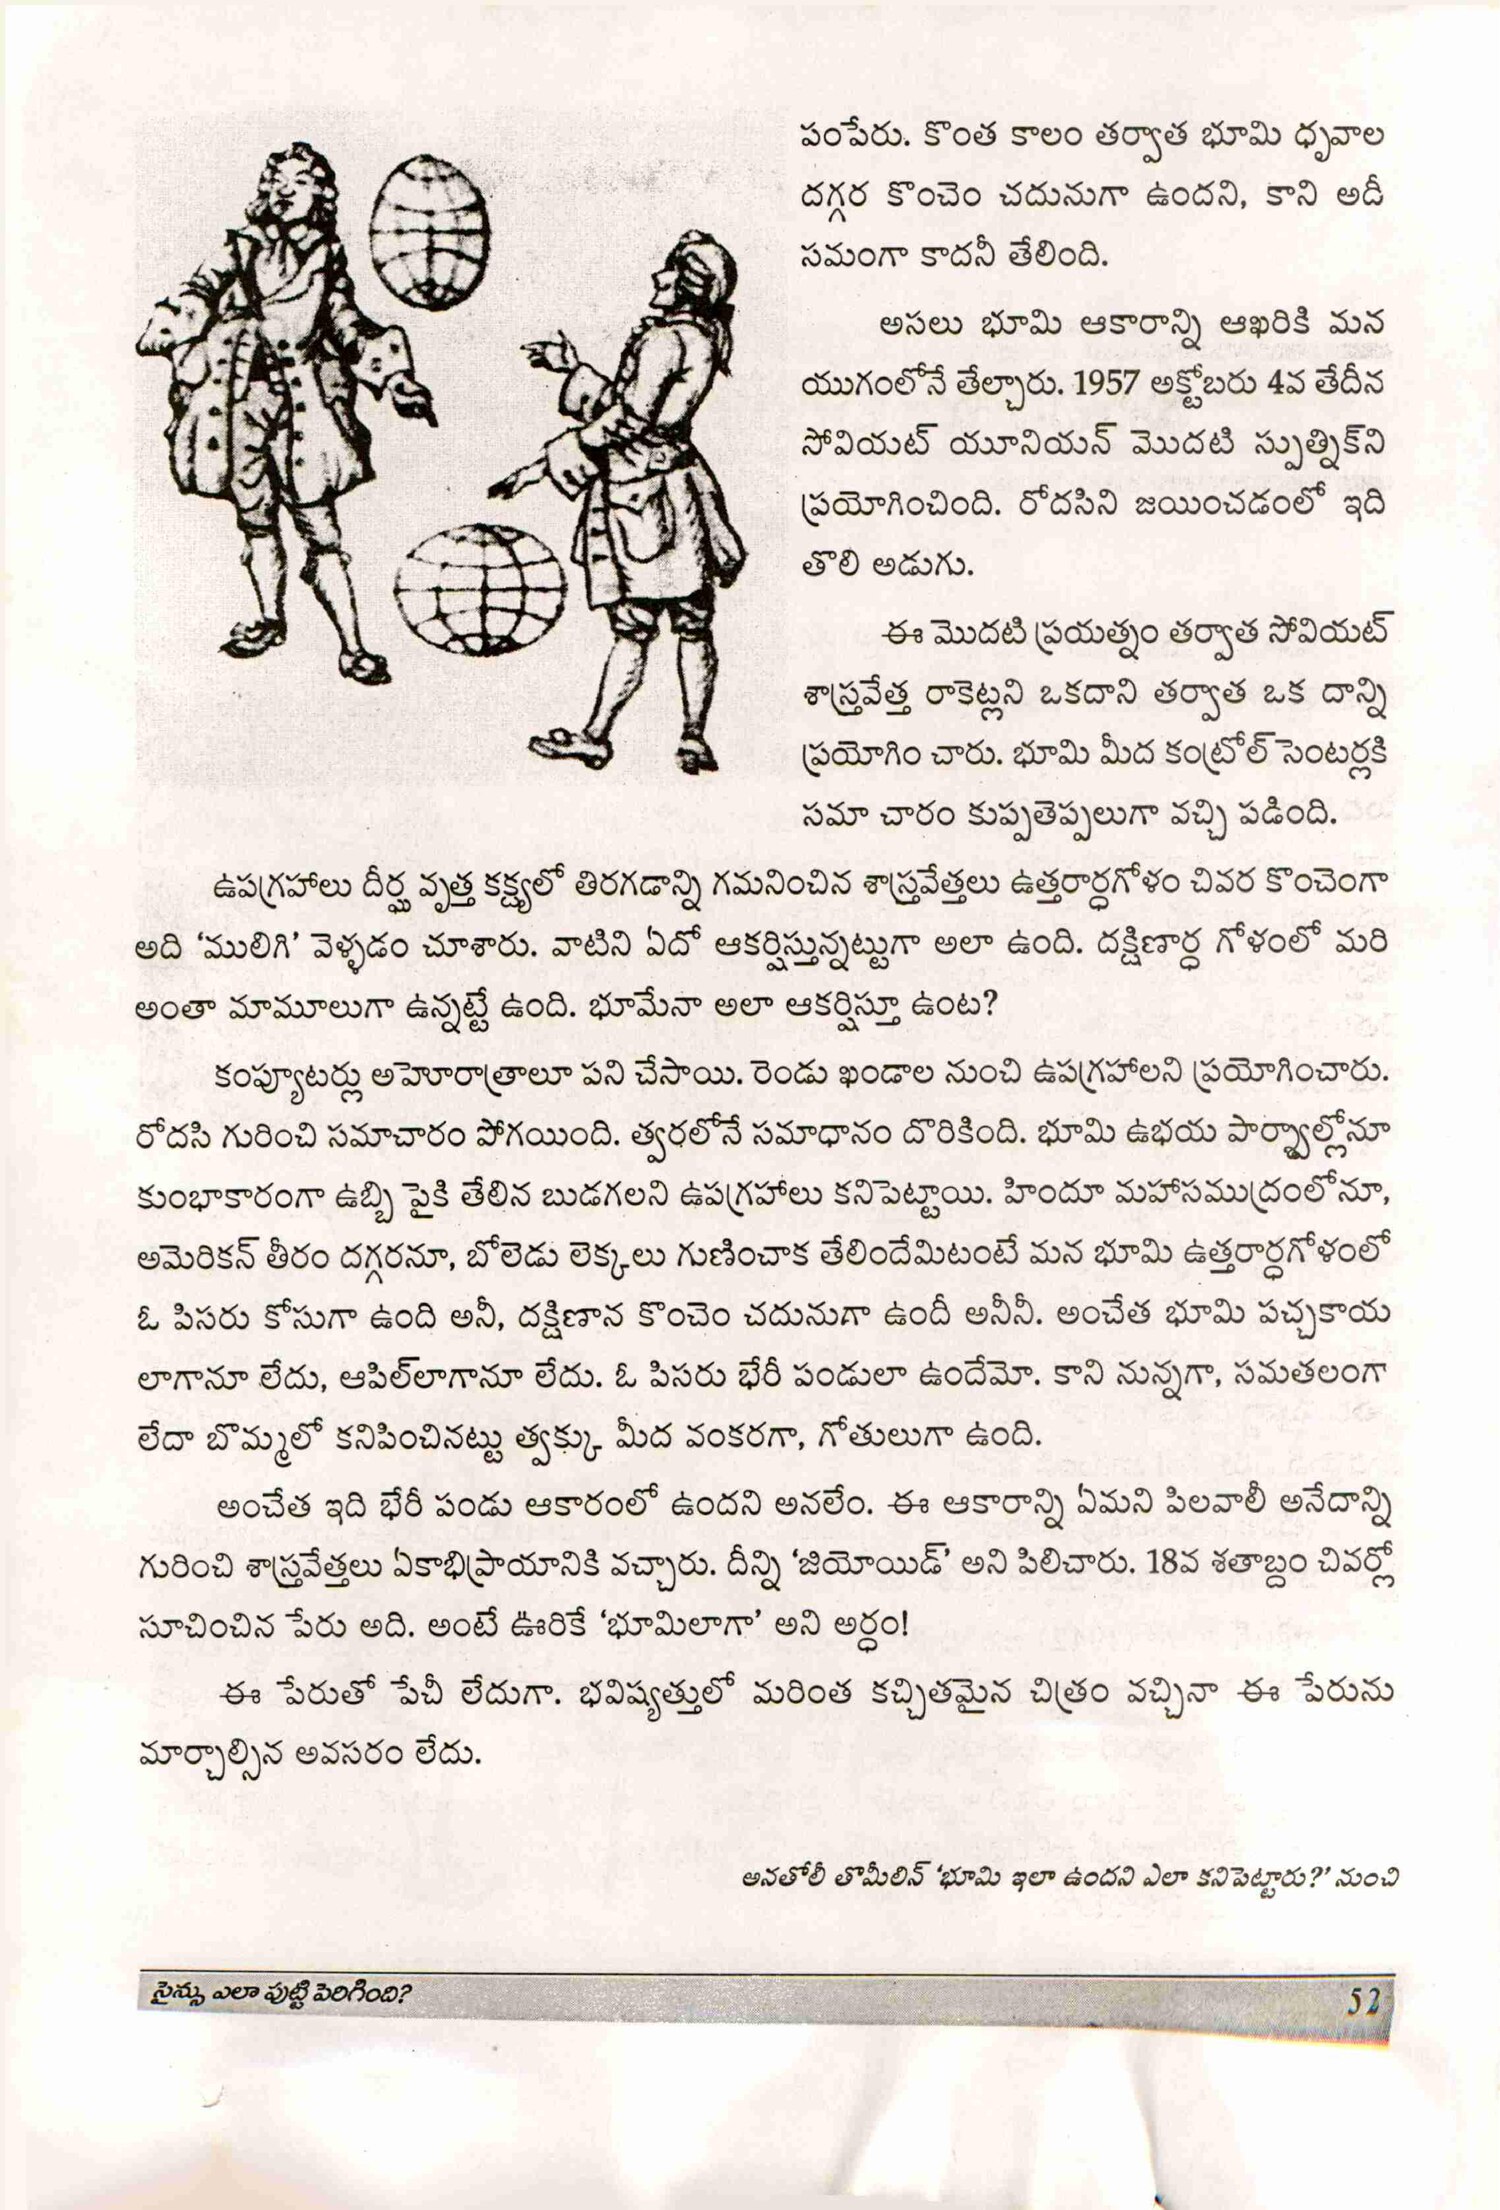పంపేరు. కొంత కాలం తర్వాత భూమి ధృవాల దగ్గర కొంచెం చదునుగా ఉందని, కాని అదీ సమంగా కాదనీ తేలింది.

అసలు భూమి ఆకారాన్ని ఆఖరికి మన యుగంలోనే తేల్చారు. 1957 అక్టోబరు 4వ తేదీన సోవియట్ యూనియన్ మొదటి స్పుత్నిక్‌ని ప్రయోగించింది. రోదసిని జయించడంలో ఇది తొలి అడుగు.

ఈ మొదటి ప్రయత్నం తర్వాత సోవియట్ శాస్త్రవేత్త రాకెట్లని ఒకదాని తర్వాత ఒక దాన్ని ప్రయోగిం చారు. భూమి మీద కంట్రోల్ సెంటర్లకి సమా చారం కుప్పతెప్పలుగా వచ్చి పడింది.

ఉపగ్రహాలు దీర్ఘ వృత్త కక్ష్యలో తిరగడాన్ని గమనించిన శాస్త్రవేత్తలు ఉత్తరార్ధగోళం చివర కొంచెంగా అది 'ములిగి' వెళ్ళడం చూశారు. వాటిని ఏదో ఆకర్షిస్తున్నట్టుగా అలా ఉంది. దక్షిణార్ధ గోళంలో మరి అంతా మామూలుగా ఉన్నట్టే ఉంది. భూమేనా అలా ఆకర్షిస్తూ ఉంట?

కంప్యూటర్లు అహోరాత్రాలూ పని చేసాయి. రెండు ఖండాల నుంచి ఉపగ్రహాలని ప్రయోగించారు. రోదసి గురించి సమాచారం పోగయింది. త్వరలోనే సమాధానం దొరికింది. భూమి ఉభయ పార్శ్వాల్లోనూ కుంభాకారంగా ఉబ్బి పైకి తేలిన బుడగలని ఉపగ్రహాలు కనిపెట్టాయి. హిందూ మహాసముద్రంలోనూ, అమెరికన్ తీరం దగ్గరనూ, బోలెడు లెక్కలు గుణించాక తేలిందేమిటంటే మన భూమి ఉత్తరార్ధగోళంలో ఓ పిసరు కోసుగా ఉంది అనీ, దక్షిణాన కొంచెం చదునుగా ఉందీ అనీనీ. అంచేత భూమి పుచ్చకాయ లాగానూ లేదు, ఆపిల్‌లాగానూ లేదు. ఓ పిసరు భేరీ పండులా ఉందేమో. కాని నున్నగా, సమతలంగా లేదా బొమ్మలో కనిపించినట్టు త్వక్కు మీద వంకరగా, గోతులుగా ఉంది.

అంచేత ఇది భేరీ పండు ఆకారంలో ఉందని అనలేం. ఈ ఆకారాన్ని ఏమని పిలవాలి అనేదాన్ని గురించి శాస్త్రవేత్తలు ఏకాభిప్రాయానికి వచ్చారు. దీన్ని 'జియోయిడ్' అని పిలిచారు. 18వ శతాబ్దం చివర్లో సూచించిన పేరు అది. అంటే ఊరికే 'భూమిలాగా' అని అర్థం!

ఈ పేరుతో పేచీ లేదుగా. భవిష్యత్తులో మరింత కచ్చితమైన చిత్రం వచ్చినా ఈ పేరును మార్చాల్సిన అవసరం లేదు.